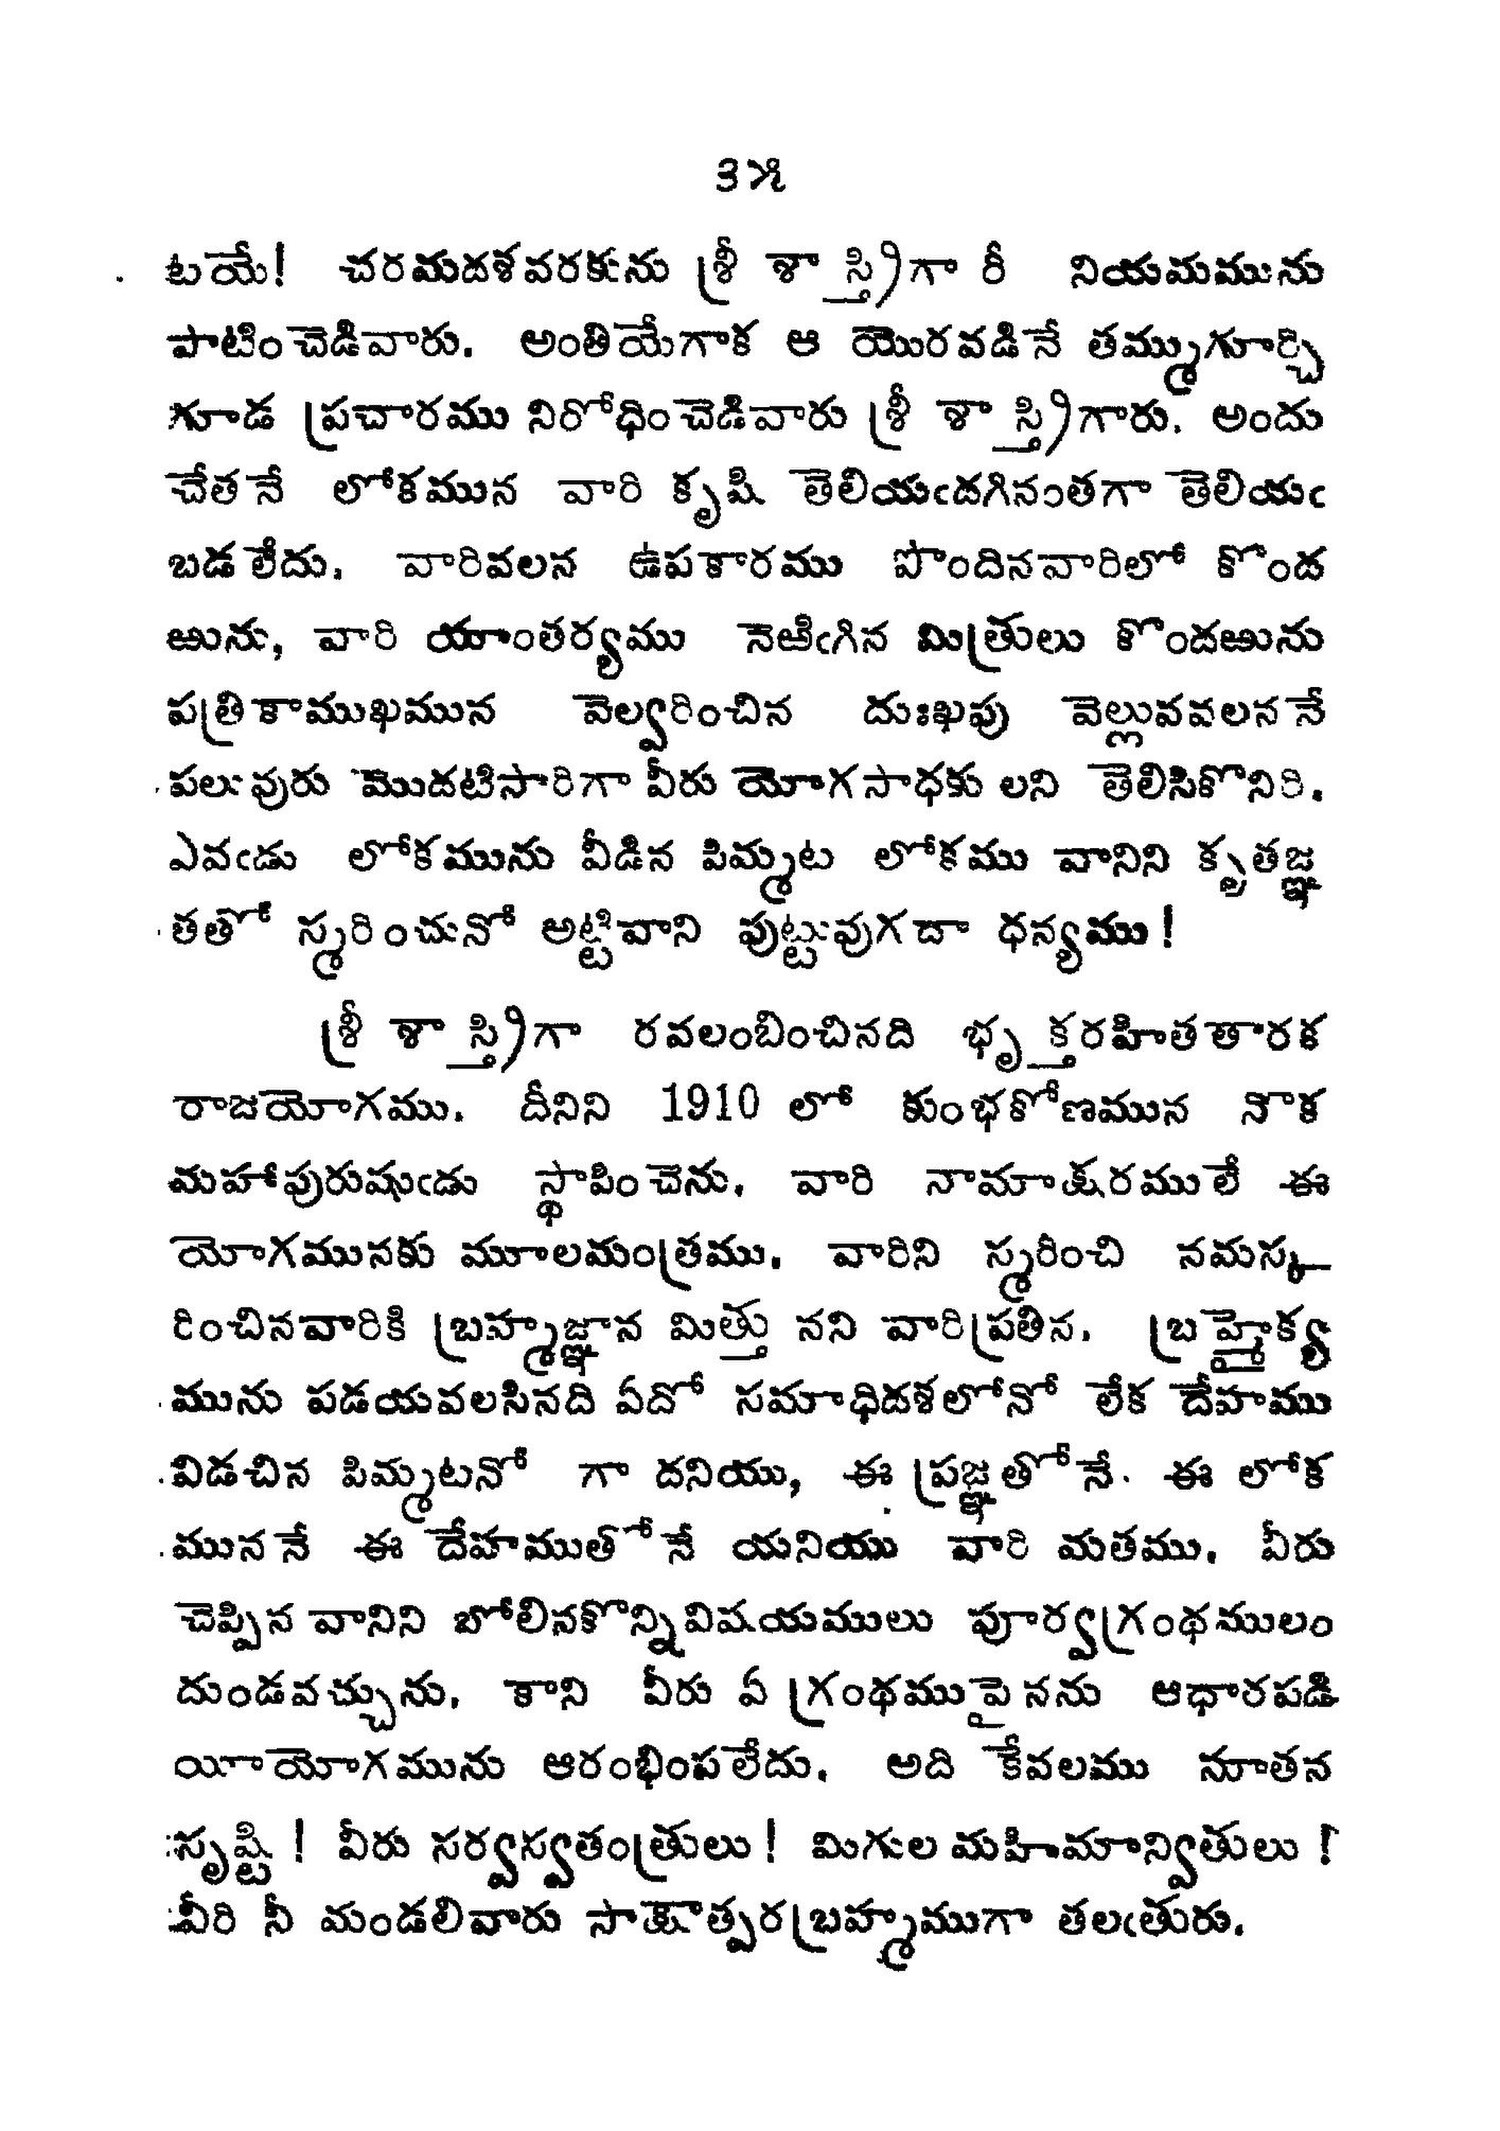టయే! చరమదశవరకును శ్రీ శాస్త్రిగారీ నియమమును పాటించెడివారు. అంతియేగాక ఆ యొర వడినే తమ్ముగూర్చి గూడ ప్రచారము నిరోధించెడివారు శ్రీ శాస్త్రిగారు. అందు చేతనే లోకమున వారి కృషి తెలియఁ దగినంతగా తెలియఁ బడలేదు. వారి వలన ఉపకారము పొందిన వారిలో కొందఱును, వారి యాంతర్యము నెఱిఁగిన మిత్రులు కొందఱును పత్రికాముఖమున వెల్వరించిన దుఃఖపు వెల్లువ వలననే పలువురు మొదటి సారిగా వీరు యోగ సాధకులని తెలిసికొనిరి. ఎవఁడు లోకమును విడిన పిమ్మట లోకము వానిని కృతజ్ఞతతో స్మరించునో అట్టివాని పుట్టువు గదా ధన్యము!

 శ్రీ శాస్త్రిగా రావలంబించినది భృక్తరహిత తారక రాజయోగము. దీనిని 1910లో కుంభకోణముణ నొక మహాపురుషుఁడు స్ధాపించెను. వారి నామాక్షరములే ఈ యోగమునకు మూలమంత్రము. వారిని స్మరించి నస్కరించిన వారికి బ్రహ్మజ్ఞాన మిత్తు నని వారిప్రతిన. బ్రహ్మైక్య మును పడయవలసినది ఏదో సమాధిదశలోనో లేక దేహము విడచిన పిమ్మటనో గా దనియు, ఈ ప్రజ్ఞాతోనే ఈ లోకము ననే ఈ దేహముతోనే యనియు, వారి మతము. వీరు చెప్పిన వానిని బోలినకొన్ని విషయములు పూర్వ గ్రంధములం దుండవచ్చును. కాని వీరు ఏ గ్రంధము పైనను ఆధారపడి యీ యోగమును ఆరంభింప లేదు.అది కేవలము నూతన సృష్టి! వీరు సర్వస్వతంత్రులు! మిగుల మహిమాన్వితులు! వీరి నీ మండలి వారు సాక్షాత్పర బ్రహ్మముగా తలఁతురు.